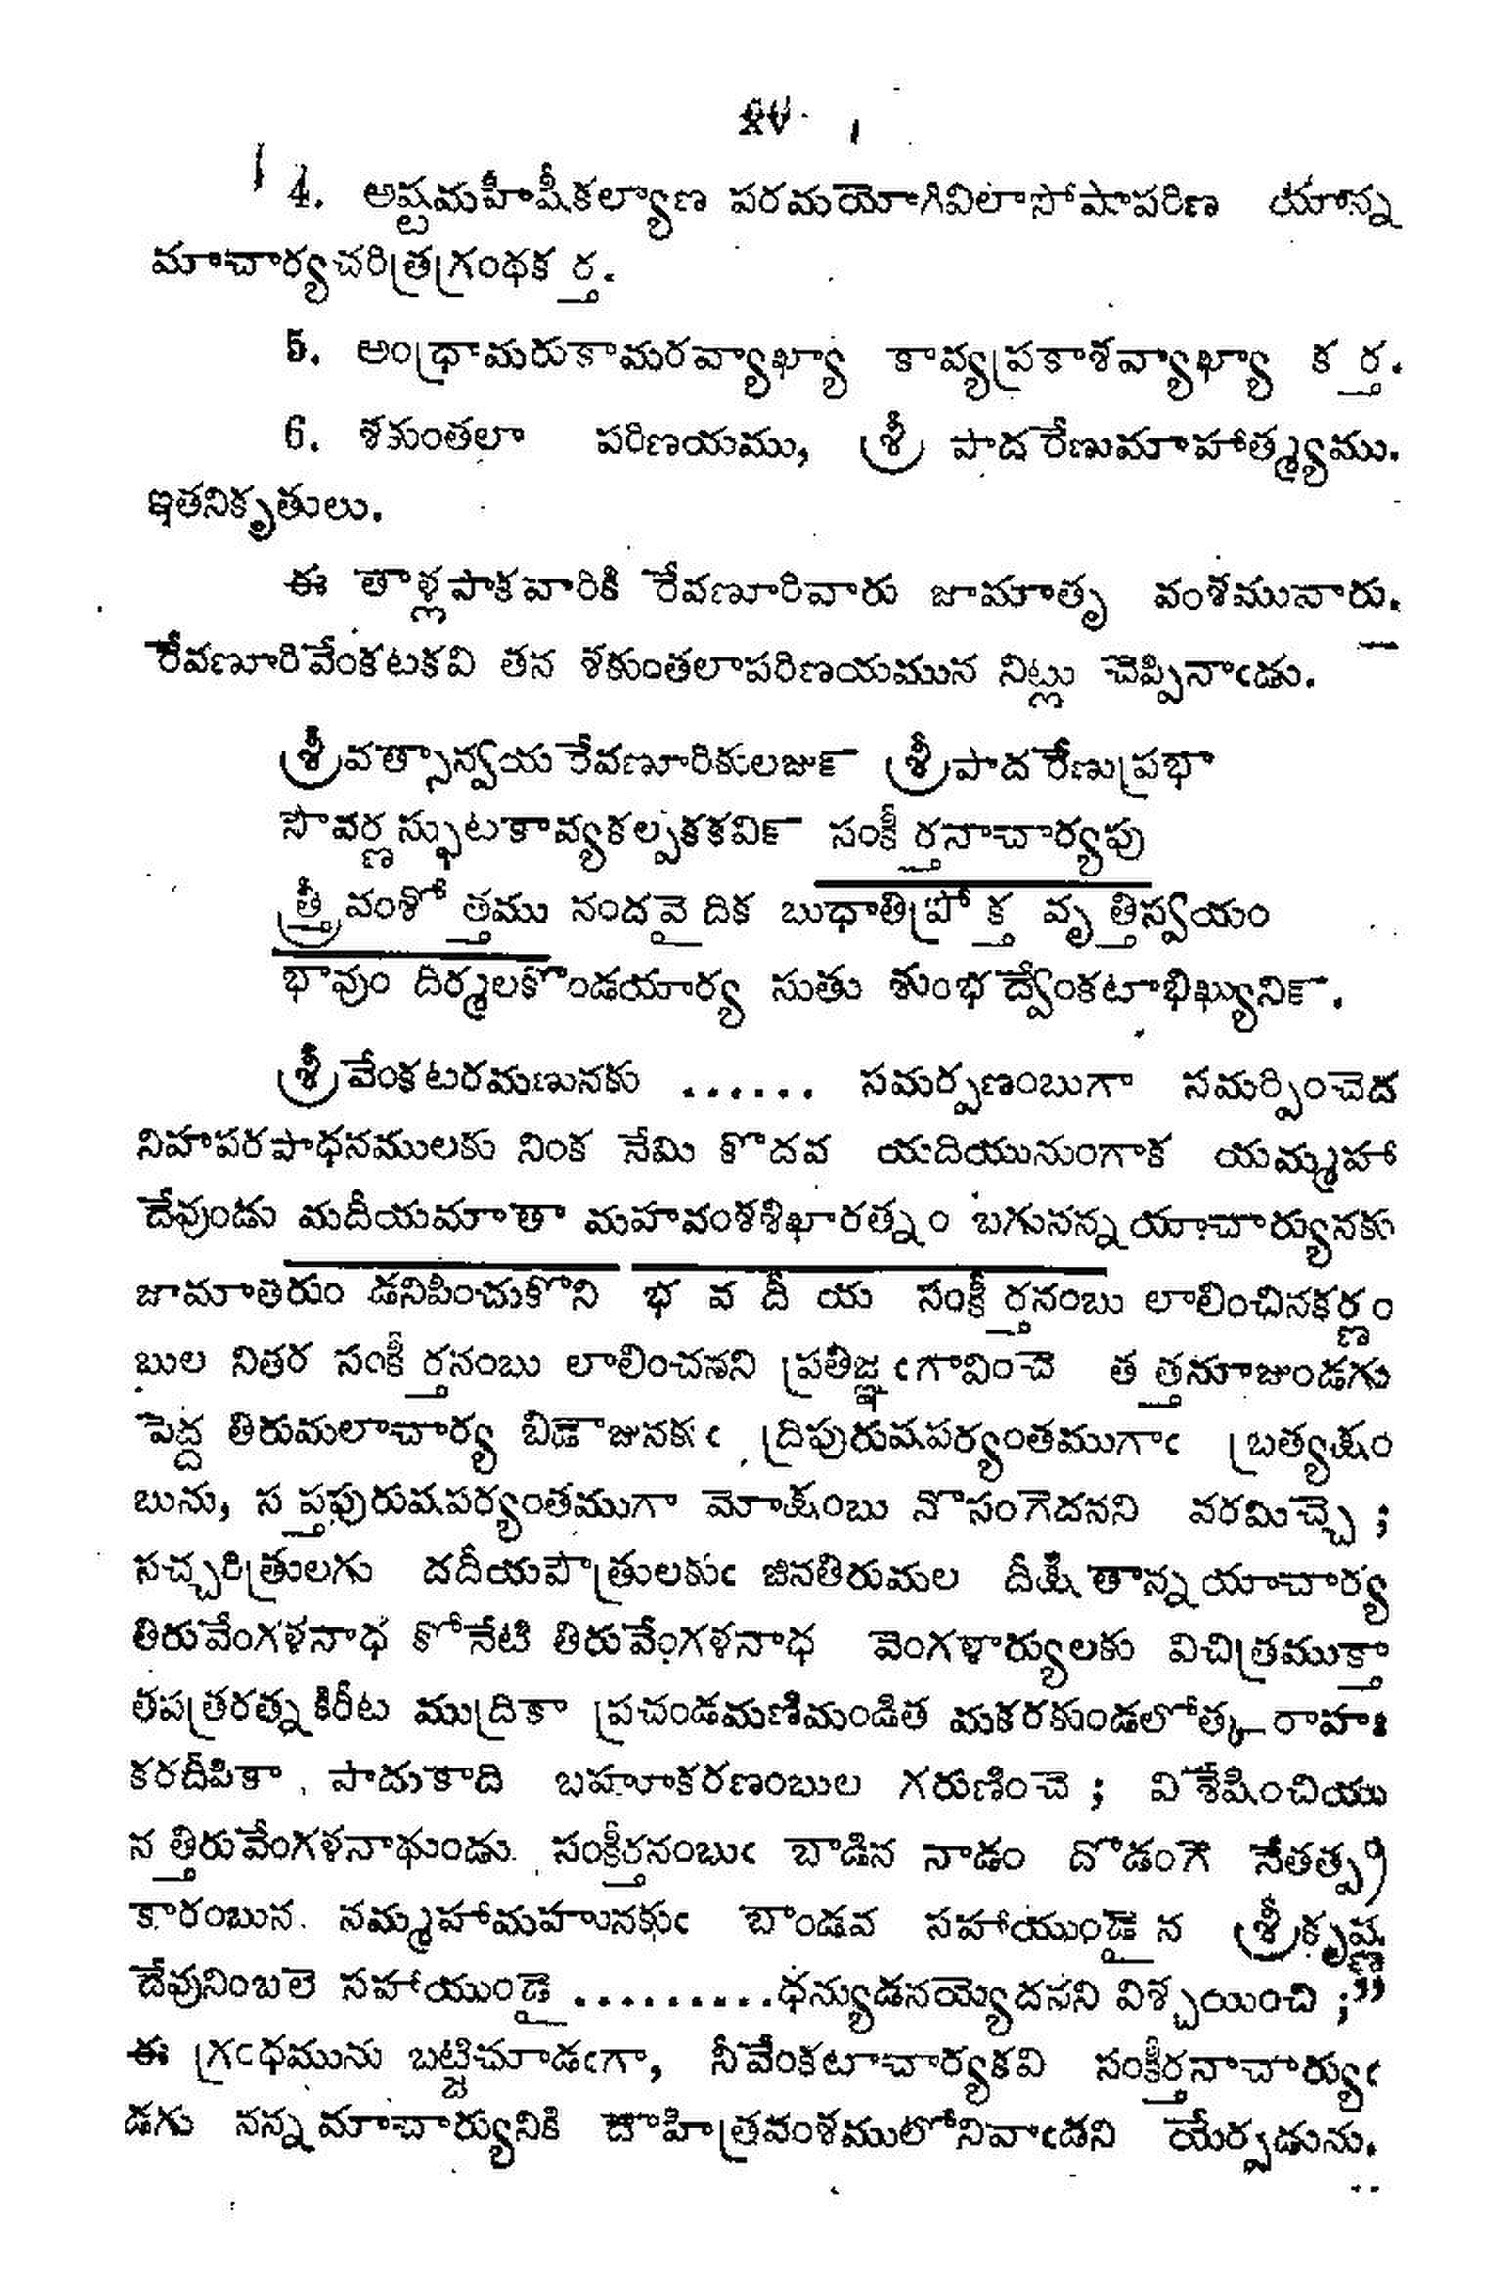4. అష్టమహిషీకల్యాణ పరమయోగివిలాసోషాపరిణ యాన్న మాచార్యచరిత్రగ్రంథకర్త.

5. అంధ్రామరుకామరవ్యాఖ్యా కావ్యప్రకాశవ్యాఖ్యా కర్త.

6. శకుంతలా పరిణయము, శ్రీ పాదరేణుమాహాత్మ్యము. ఇతనికృతులు.

ఈ తాళ్లపాకవారికి రేవణూరివారు జామాతృ వంశమువారు. రేవణూరివేంకటకవి తన శకుంతలాపరిణయమున నిట్లు చెప్పినాఁడు.

శ్రీ వేంకటరమణకు ...... సమర్పణంబుగా సమర్పించెద నిహపరపాధనములకు నింక నేమి కొదవ యదియునుంగాక యమ్మహాదేవుండు మదీయమాతా మహవంశశిఖారత్నం బగునన్నయాచార్యునకు జామాతరుం డనిపించుకొని భ వ దీ య సంకీర్తనంబు లాలించినకర్ణంబుల నితర సంకీర్తనంబు లాలించనని ప్రతిజ్ఞఁగావించె తత్తనూజుండగు పెద్ద తిరుమలాచార్య బిడౌజునకుఁ ద్రిపురుషపర్యంతముగాఁ బ్రత్యక్షంబును, సప్తపురుషపర్యంతముగా మోక్షంబు నొసంగెదనని వరమిచ్చె; సచ్చరిత్రులగు దదీయపౌత్రులకుఁ జినతిరుమల దీక్షితాన్నయాచార్య తిరువేంగళనాధ కోనేటి తిరువేంగళనాధ వెంగళార్యులకు విచిత్రముక్తాతపత్రరత్నకిరీట ముద్రికా ప్రచండమణిమండిత మకరకుండలోత్కరాహః కరదీపికా, పాదుకాది బహూకరణంబుల గరుణించె; విశేషించియు నత్తిరువేంగళనాథుండు సంకీర్తనంబుఁ బాడిన నాడం దొడంగే నేతత్ప్రకారంబున నమ్మహామహునకుఁ బాండవ సహాయుండైన శ్రీకృష్ణ దేవునింబలె సహాయుండై.........ధన్యుడనయ్యెదనని విశ్చయించి ;” ఈ గ్రంధమును బట్టిచూడఁగా, నీవేంకటాచార్య కవి సంకీర్తనాచార్యుఁడగు నన్నమాచార్యునికి దౌహిత్రవంశములోనివాఁడని యేర్పడును.